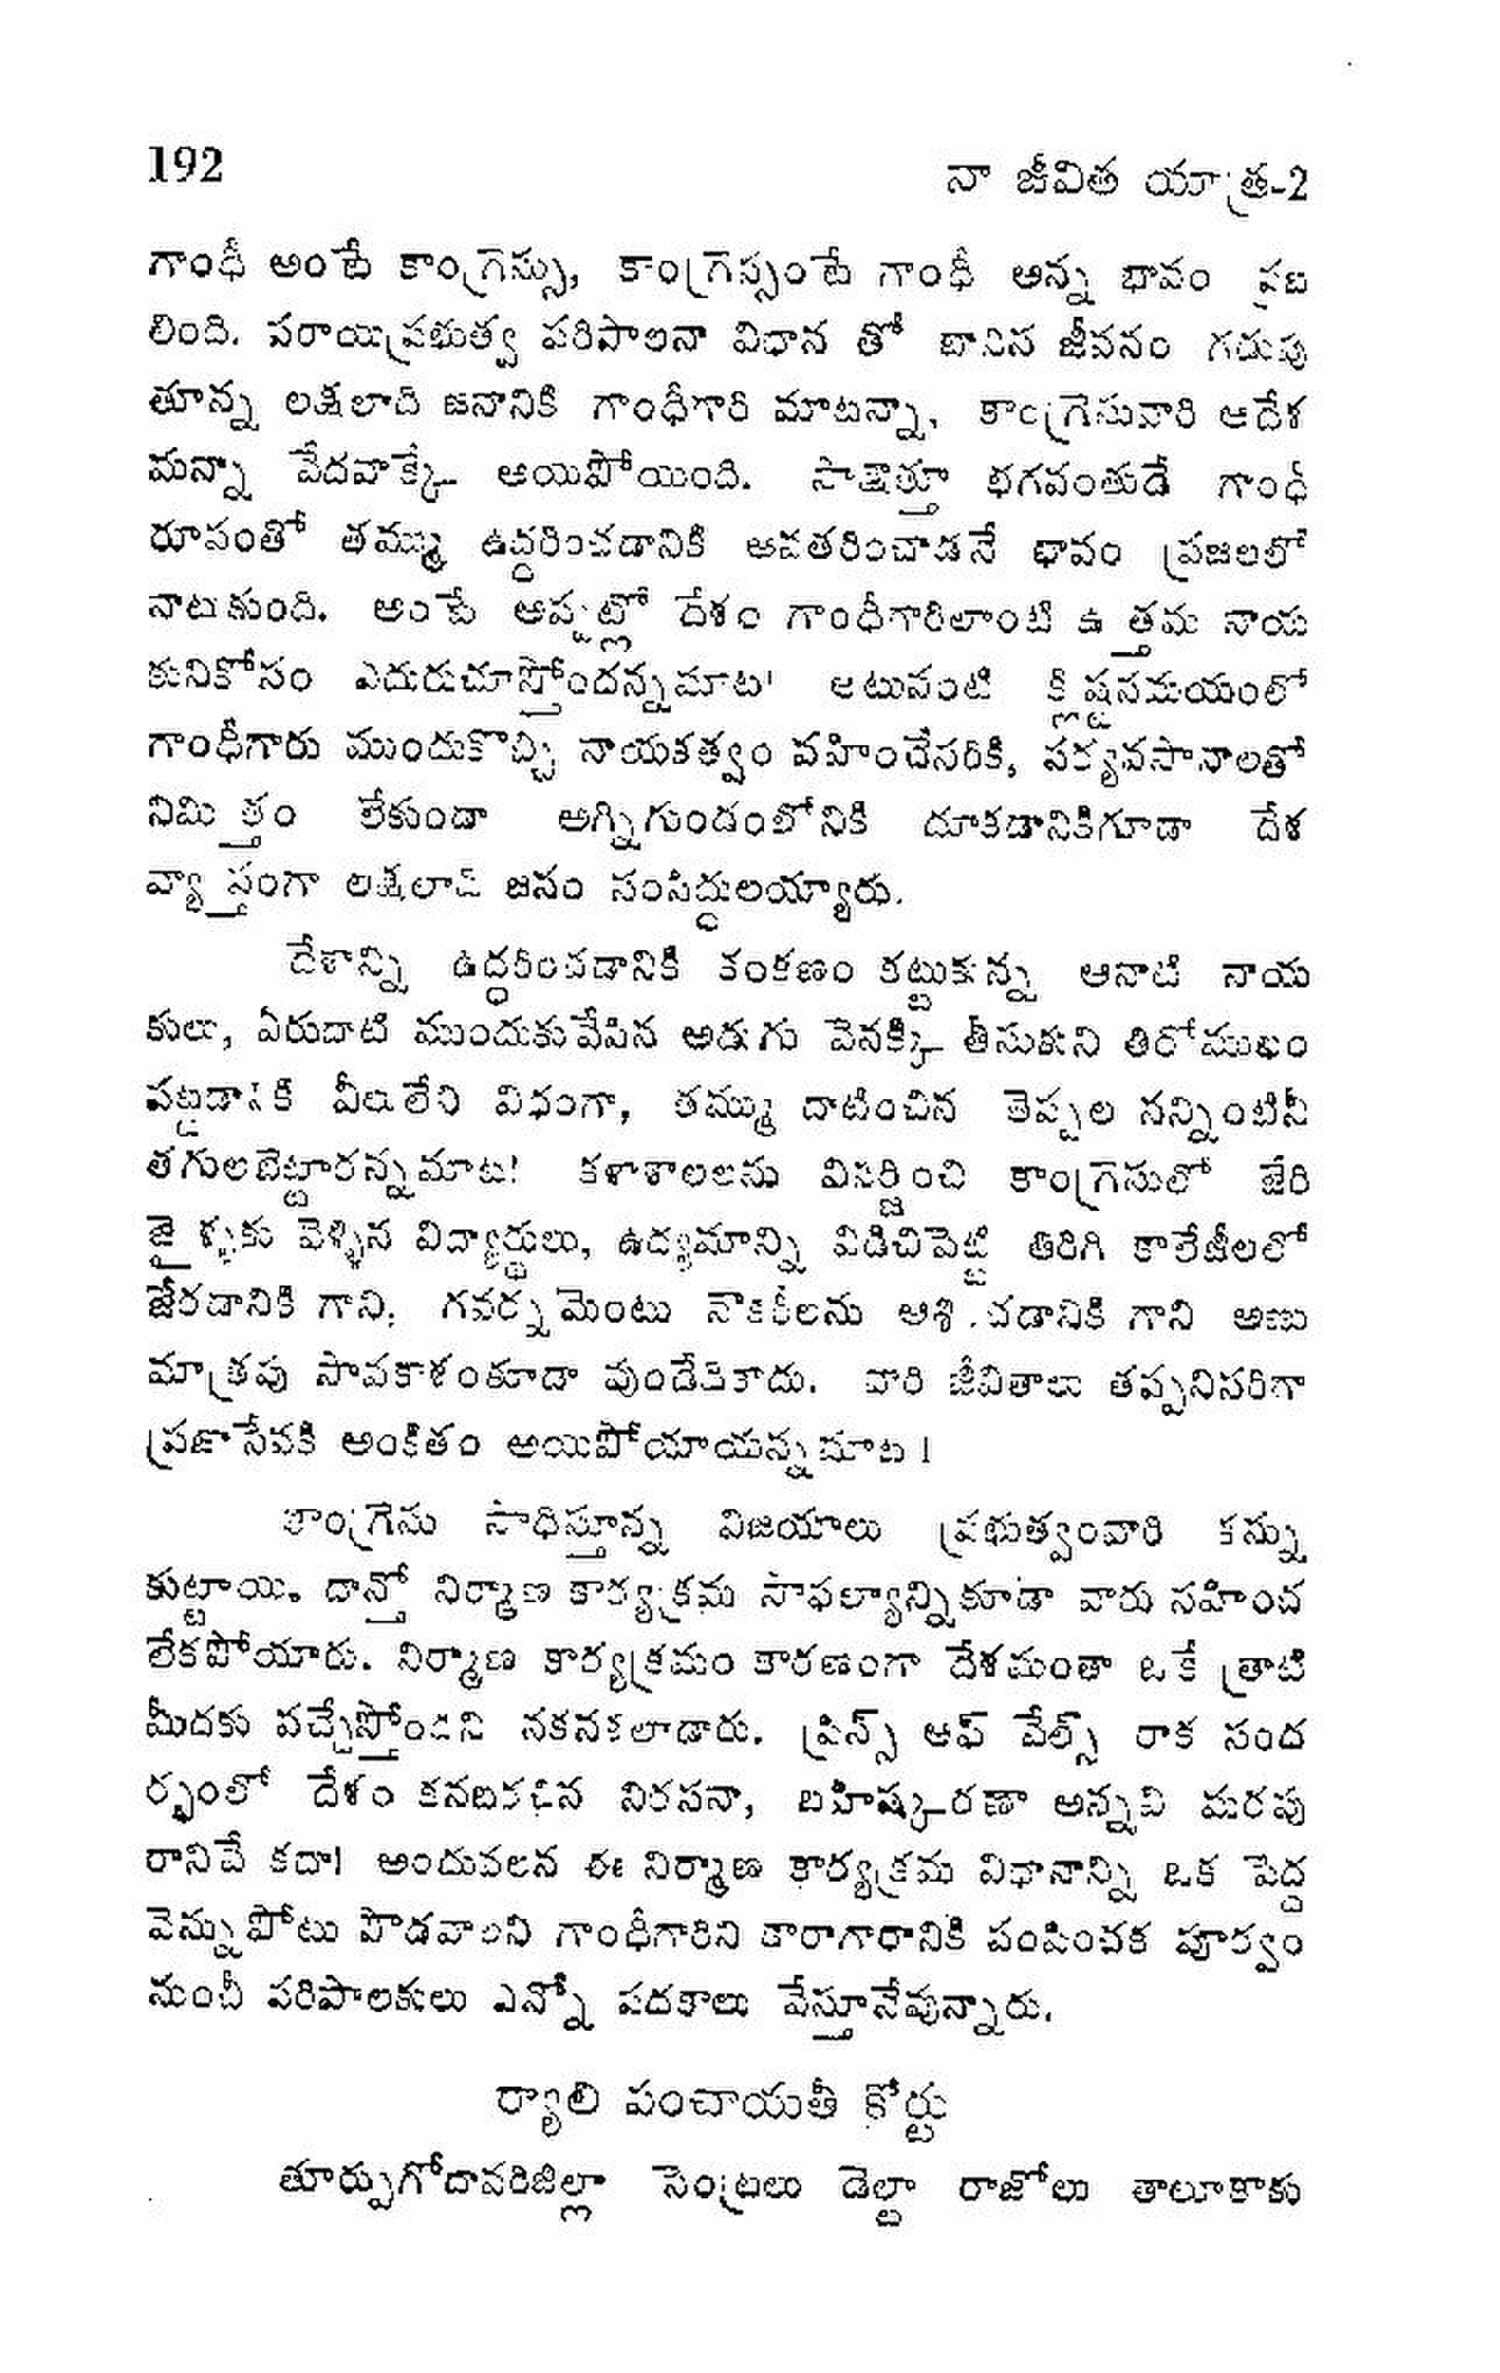గాంధీ అంటే కాంగ్రెస్సు, కాంగ్రెస్సంటే గాంధీ అన్న భావం ప్రబలింది. పరాయిప్రభుత్వ పరిపాలనా విధాన తో బానిస జీవనం గడుపుతూన్న లక్షలాది జనానికి గాంధీగారి మాటన్నా, కాంగ్రెసువారి ఆదేశమమన్న వేదవాక్కే అయిపోయింది. సాక్షాత్తూ భగవంతుడే గాంధీరూపంతో తమ్ము ఉద్దరించడానికి అవతరించాడనే భావం ప్రజలలో నాటు కుంది. అంటే అప్పట్లో దేశం గాంధీగారిలాంటి ఉత్తమ నాయకునికోసం ఎదురుచూస్తోందన్నమాట అటువంటి క్లిష్టసమయంలో గాంధీగారు ముందుకొచ్చి నాయకత్వం వహించేసరికి, పర్యవసానాలతో నిమిత్తం లేకుండా అగ్నిగుండంలోనికి దూకడానికిగూడా దేశవ్యాప్తంగా లక్షలాది జనం సంసిద్దులయ్యారు.

దేశాన్ని ఉద్దరించడానికి కంకణం కట్టుకున్న ఆనాటి నాయకులు, ఏరుదాటి ముందుకువేసిన అడుగు వెనక్కి తీసుకొని తిరోముఖం పట్టడానికి వీలులేని విధంగా, తమ్ము దాటించిన తెప్పల నన్నింటినీ తగులబెట్టారన్నమాట! కళాశాలలను విసర్జించి కాంగ్రెసులో జేరి జైళ్ళకు వెళ్ళిన విద్యార్థులు, ఉద్యమాన్ని విడిచిపెట్టి తిరిగి కాలేజీలలో జేరడానికి గాని, గవర్నమెంటు నౌకరీలను ఆశించడానికి గాని అణుమాత్రపు సావకాశంకూడా వుండేదికాదు. వారి జీవితాలు తప్పనిసరిగా ప్రజాసేవకి అంకితం అయిపోయాయన్నమాట!

కాంగ్రెసు సాధిస్తూన్న విజయాలు ప్రభుత్వంవారి కన్ను కుట్టాయి. దాన్తో నిర్మాణ కార్యక్రమ సాఫల్యాన్ని కూడా వారు సహించలేక పోయారు. నిర్మాణ కార్యక్రమం కారణంగా దేశమంతా ఒకే త్రాటి మీదకు వచ్చేస్తోందని నకనకలాడారు. ప్రిన్స్ ఆఫ్ వేల్స్ రాక సందర్బంలో దేశం కనబరచిన నిరసనా, బహిష్కరణా అన్నవి మరపురానివే కదా! అందువలన ఈ నిర్మాణ కార్యక్రమం విధానాన్ని ఒక పెద్ద వెన్నుపోటు పోడవాలని గాంధీగారిని కారాగారానికి పంపించక పూర్వం నుంచీ పరిపాలకులు ఎన్నో పదకాలు వేస్తూనేవున్నారు.

తూర్పుగోదావరిజిల్లా సెంట్రలు డెల్టా రాజోలు తాలూకాకు